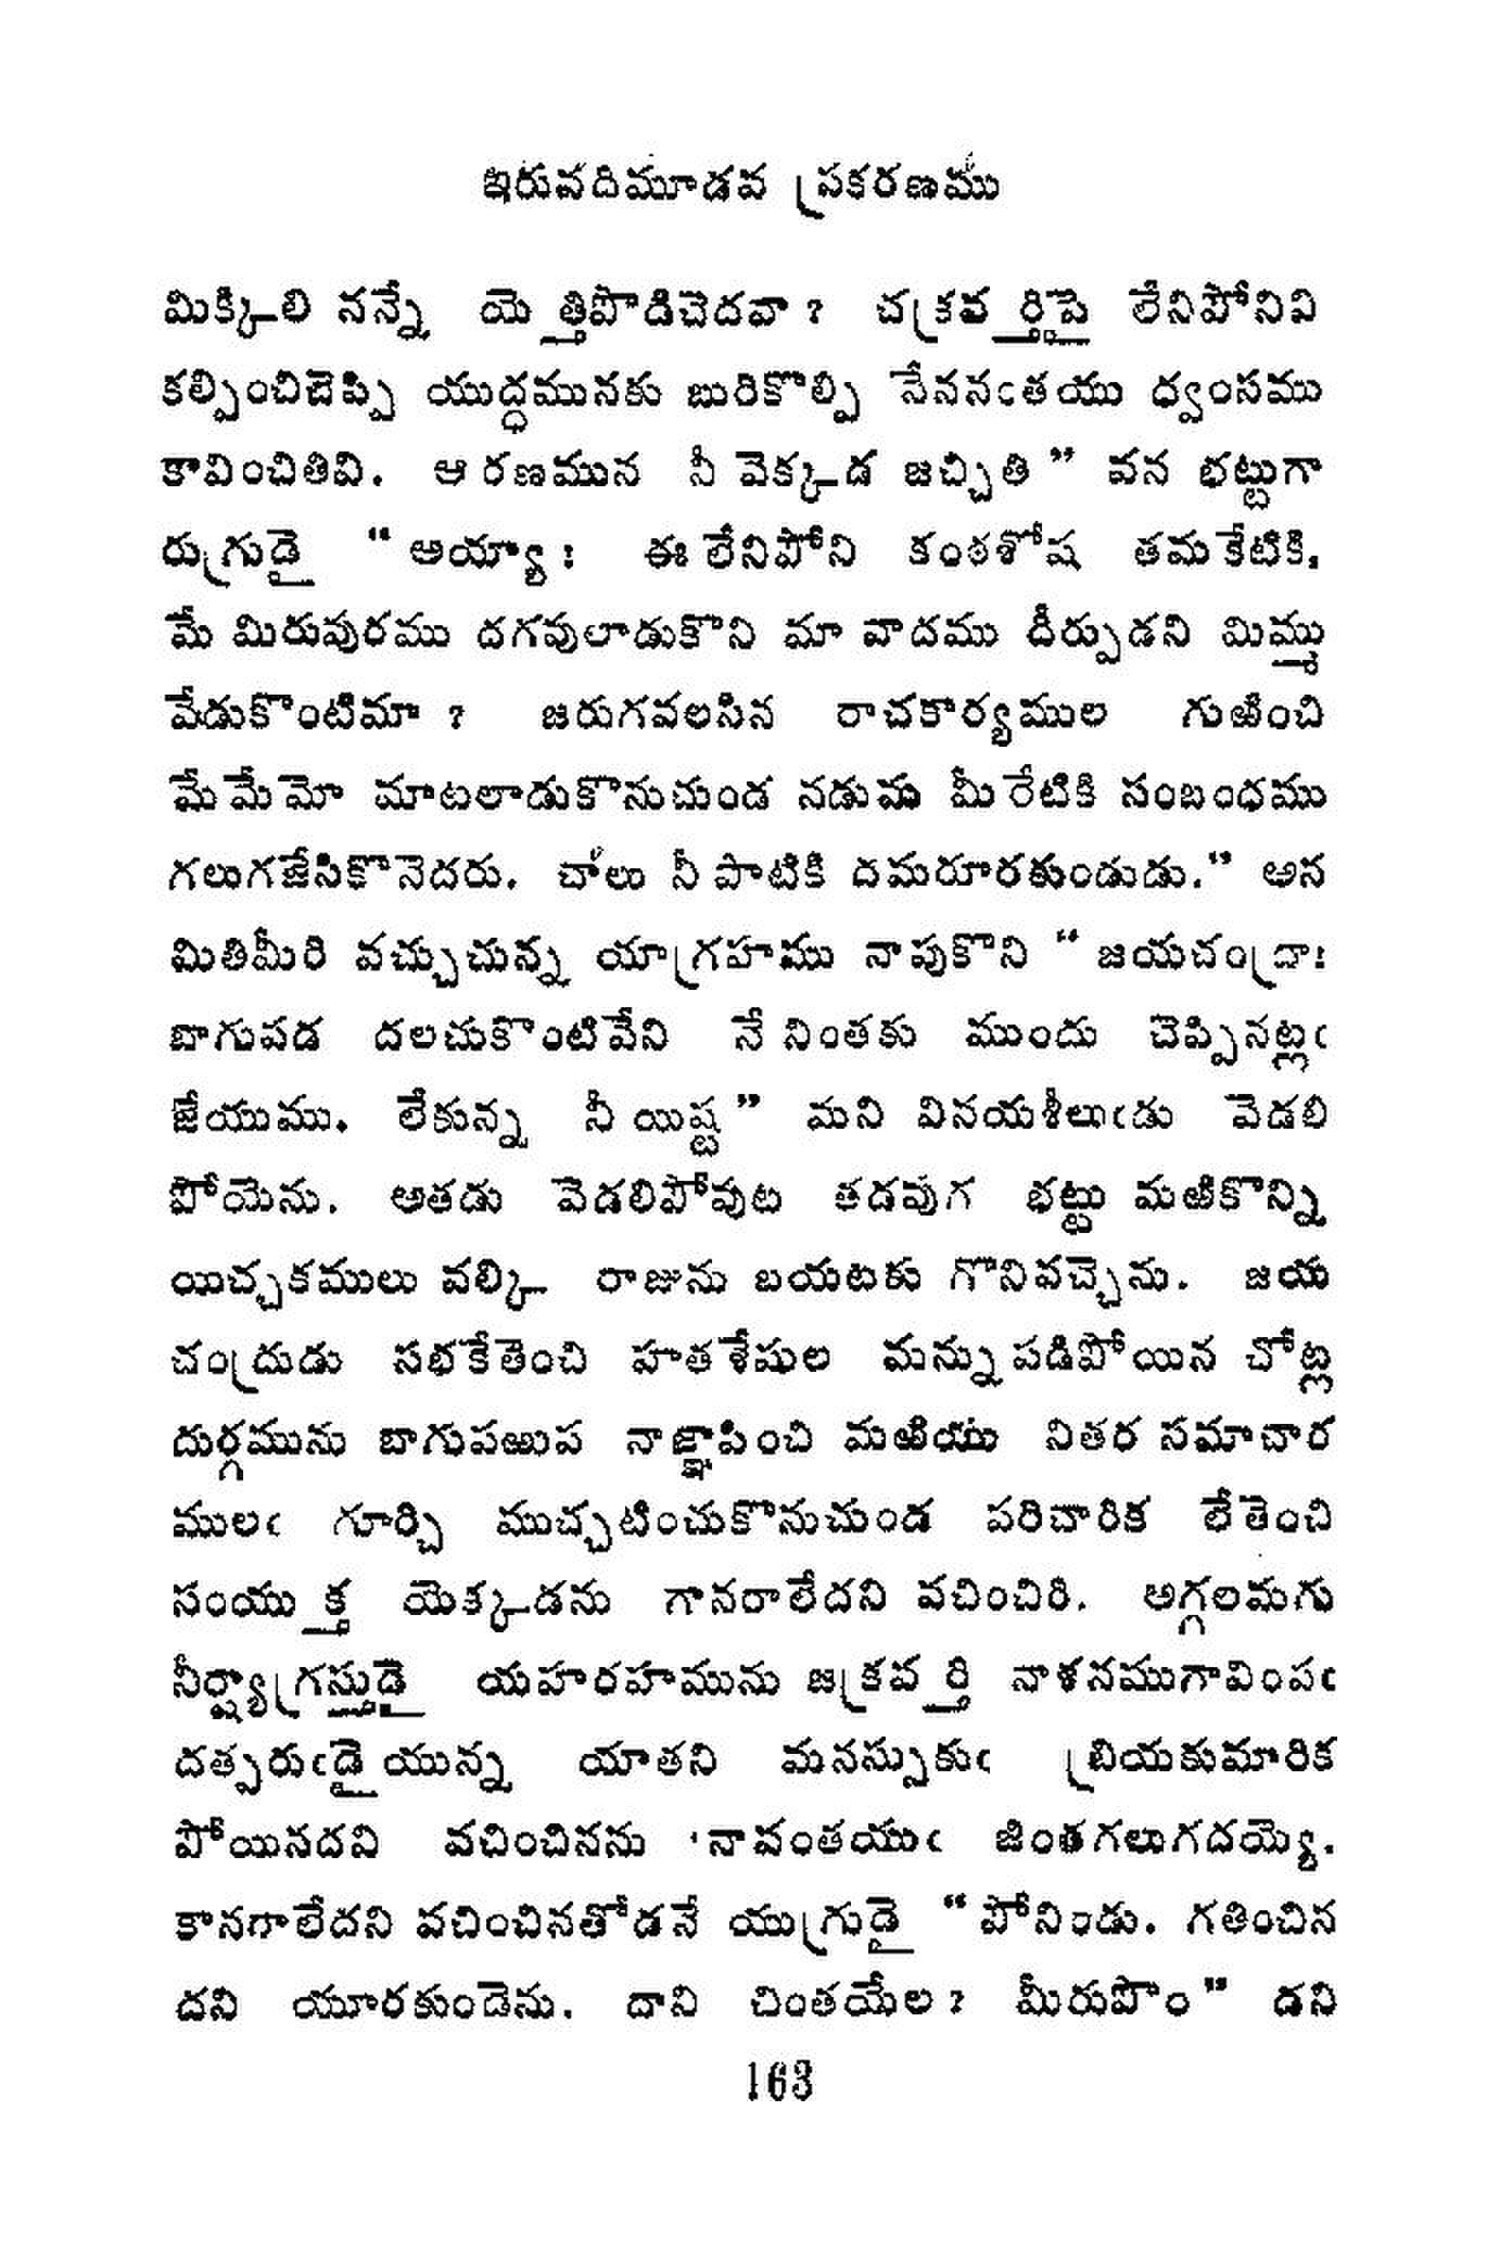మిక్కిలి నన్నే యెత్తిపొడిచెదవా? చక్రవర్తిపై లేనిపోనివి కల్పించిజెప్పి యుద్ధమునకు బురికొల్పి సేననంతయు ధ్వంసము కావించితివి. ఆ రణమున నీ వెక్కడ జచ్చితి " వన భట్టుగా రుగ్రుడై “అయ్యా ! ఈ లేనిపోని కంఠశోష తమకేటికి, మే మిరువురము దగవులాడుకొని మా వాదము దీర్పుడని మిము వేడుకొంటిమా ? జరుగవలసిన రాచకార్యముల గుఱించి మేమేమో మాటలాడుకొనుచుండ నడుమ మీ రేటికి సంబంధము గలుగజేసికొనెదరు. చాలు నీ పాటికి దమరూరకుండుడు." అన మితిమీరి వచ్చుచున్న యాగ్రహము నాపుకొని " జయచంద్రా! బాగుపడ దలచుకొంటివేని నే నింతకు ముందు చెప్పినట్లఁ జేయుము. లేకున్న నీ యిష్ట ” మని వినయశీలుఁడు వెడలి పోయెను. అతడు వెడలిపోవుట తడవుగ భట్టు మఱికొన్ని యిచ్చకములు వల్కి రాజును బయటకు గొనివచ్చెను. జయచంద్రుడు సభకేతెంచి హతశేషుల మన్నుపడిపోయిన చోట్ల దుర్గమును బాగుపఱుప నాజ్ఞాపించి మఱియు నితర సమాచారములఁ గూర్చి ముచ్చటించుకొనుచుండ పరిచారిక లేతెంచి సంయుక్త యెక్కడను గానరాలేదని వచించిరి. అగ్గలమగు నీర్ష్యాగ్రస్తుడై యహరహమును జక్రవర్తి నాశనముగావింపఁ దత్పరుఁడై యున్న యాతని మనస్సుకుఁ బ్రియకుమారిక పోయినదని వచించినను నావంతయుఁ జింతగలుగదయ్యె. కానరాలేదని వచించినతోడనే యుగ్రుడై "పోనిండు. గతించిన దని యూరకుండెను. దాని చింతయేల? మీరుపొం" డని